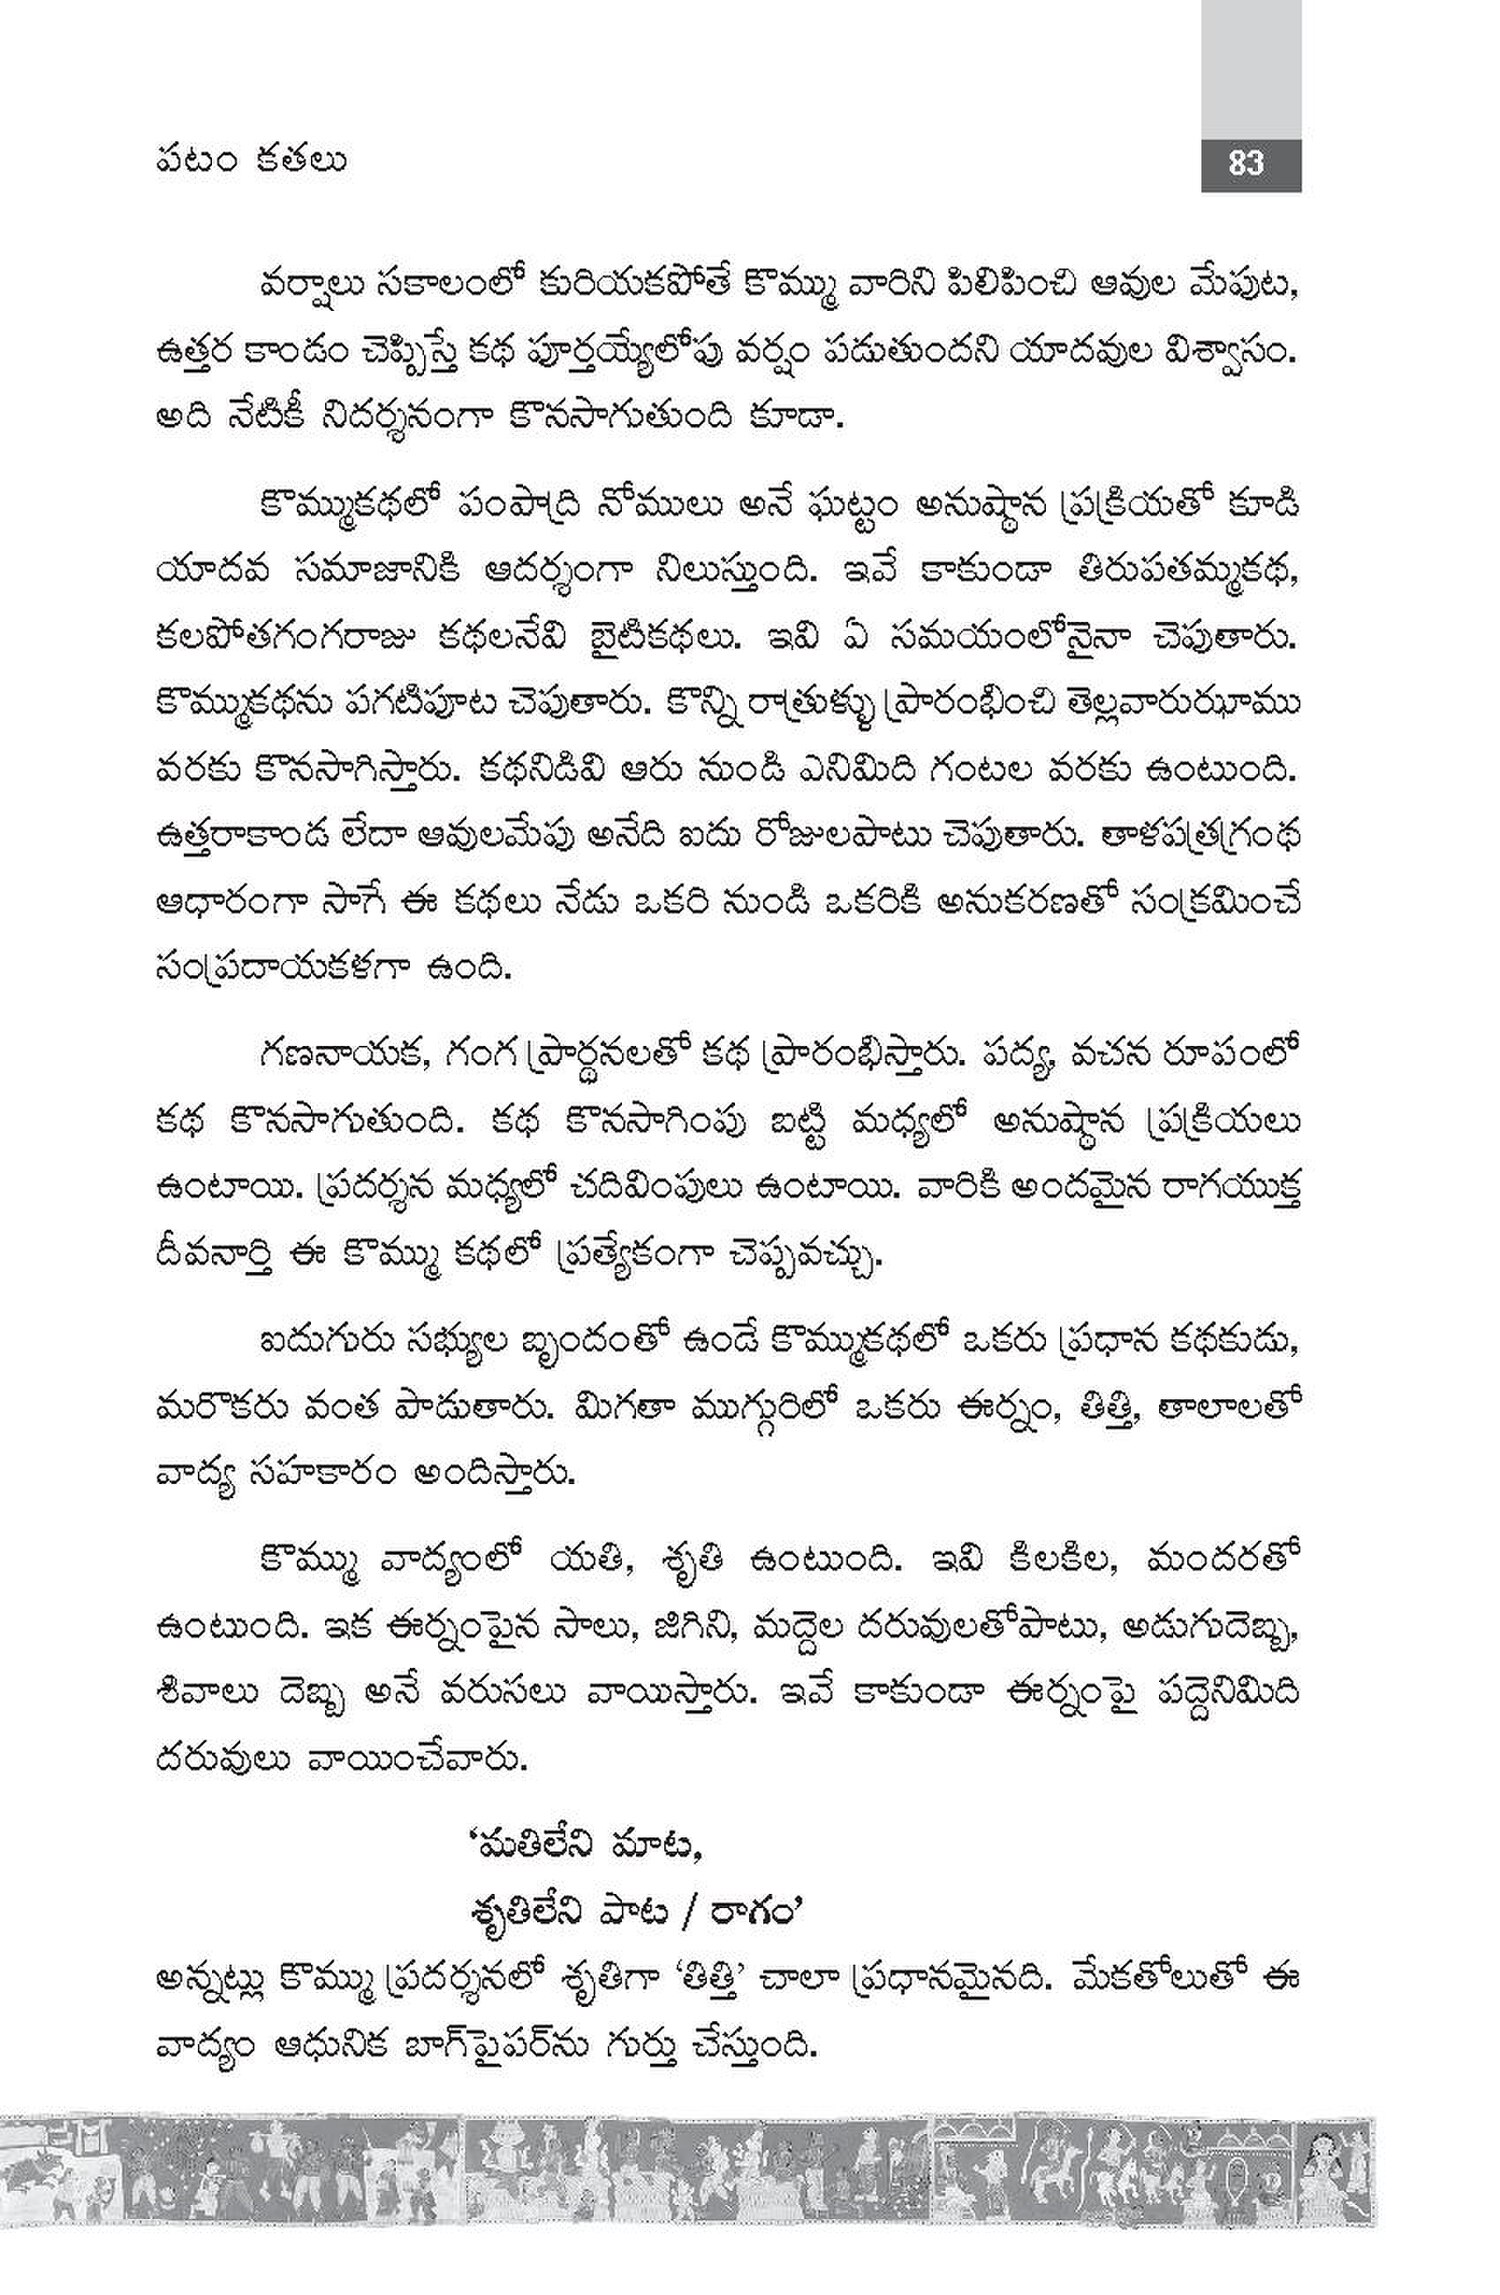వర్షాలు సకాలంలో కురియకపోతే కొమ్ము వారిని పిలిపించి ఆవుల మేపుట, ఉత్తర కాండం చెప్పిస్తే కథ పూర్తయ్యేలోపు వర్షం పడుతుందని యాదవుల విశ్వాసం. అది నేటికీ నిదర్శనంగా కొనసాగుతుంది కూడా.

కొమ్ముకథలో పంపాద్రి నోములు అనే ఘట్టం అనుష్ఠాన ప్రక్రియతో కూడి యాదవ సమాజానికి ఆదర్శంగా నిలుస్తుంది. ఇవే కాకుండా తిరుపతమ్మకథ, కలపోతగంగరాజు కథలనేవి బైటికథలు. ఇవి ఏ సమయంలోనైనా చెపుతారు. కొమ్ముకథను పగటిపూట చెపుతారు. కొన్ని రాత్రుళ్ళు ప్రారంభించి తెల్లవారుఝాము వరకు కొనసాగిస్తారు. కథనిడివి ఆరు నుండి ఎనిమిది గంటల వరకు ఉంటుంది. ఉత్తరాకాండ లేదా ఆవులమేపు అనేది ఐదు రోజులపాటు చెపుతారు. తాళపత్రగ్రంథ ఆధారంగా సాగే ఈ కథలు నేడు ఒకరి నుండి ఒకరికి అనుకరణతో సంక్రమించే సంప్రదాయకళగా ఉంది.

గణనాయక, గంగ ప్రార్థనలతో కథ ప్రారంభిస్తారు. పద్య, వచన రూపంలో కథ కొనసాగుతుంది. కథ కొనసాగింపు బట్టి మధ్యలో అనుష్టాన ప్రక్రియలు ఉంటాయి. ప్రదర్శన మధ్యలో చదివింపులు ఉంటాయి. వారికి అందమైన రాగయుక్త
దీవనార్తి ఈ కొమ్ము కథలో ప్రత్యేకంగా చెప్పవచ్చు.

ఐదుగురు సభ్యుల బృందంతో ఉండే కొమ్ముకథలో ఒకరు ప్రధాన కథకుడు, మరొకరు వంత పాడుతారు. మిగతా ముగ్గురిలో ఒకరు ఈర్నం, తిత్తి, తాలాలతో వాద్య సహకారం అందిస్తారు.

కొమ్ము వాద్యంలో యతి, శృతి ఉంటుంది. ఇవి కిలకిల, మందరతో ఉంటుంది. ఇక ఈర్నంపైన సాలు, జిగిని, మద్దెల దరువులతోపాటు, అడుగుదెబ్బ, శివాలు దెబ్బ అనే వరుసలు వాయిస్తారు. ఇవే కాకుండా ఈర్నంపై పద్దెనిమిది
దరువులు వాయించేవారు.

'మతిలేని మాట,
శృతిలేని పాట / రాగం'

అన్నట్లు కొమ్ము ప్రదర్శనలో శృతిగా 'తిత్తి' చాలా ప్రధానమైనది. మేకతోలుతో ఈ వాద్యం ఆధునిక బాగ్పైపర్ను గుర్తు చేస్తుంది.